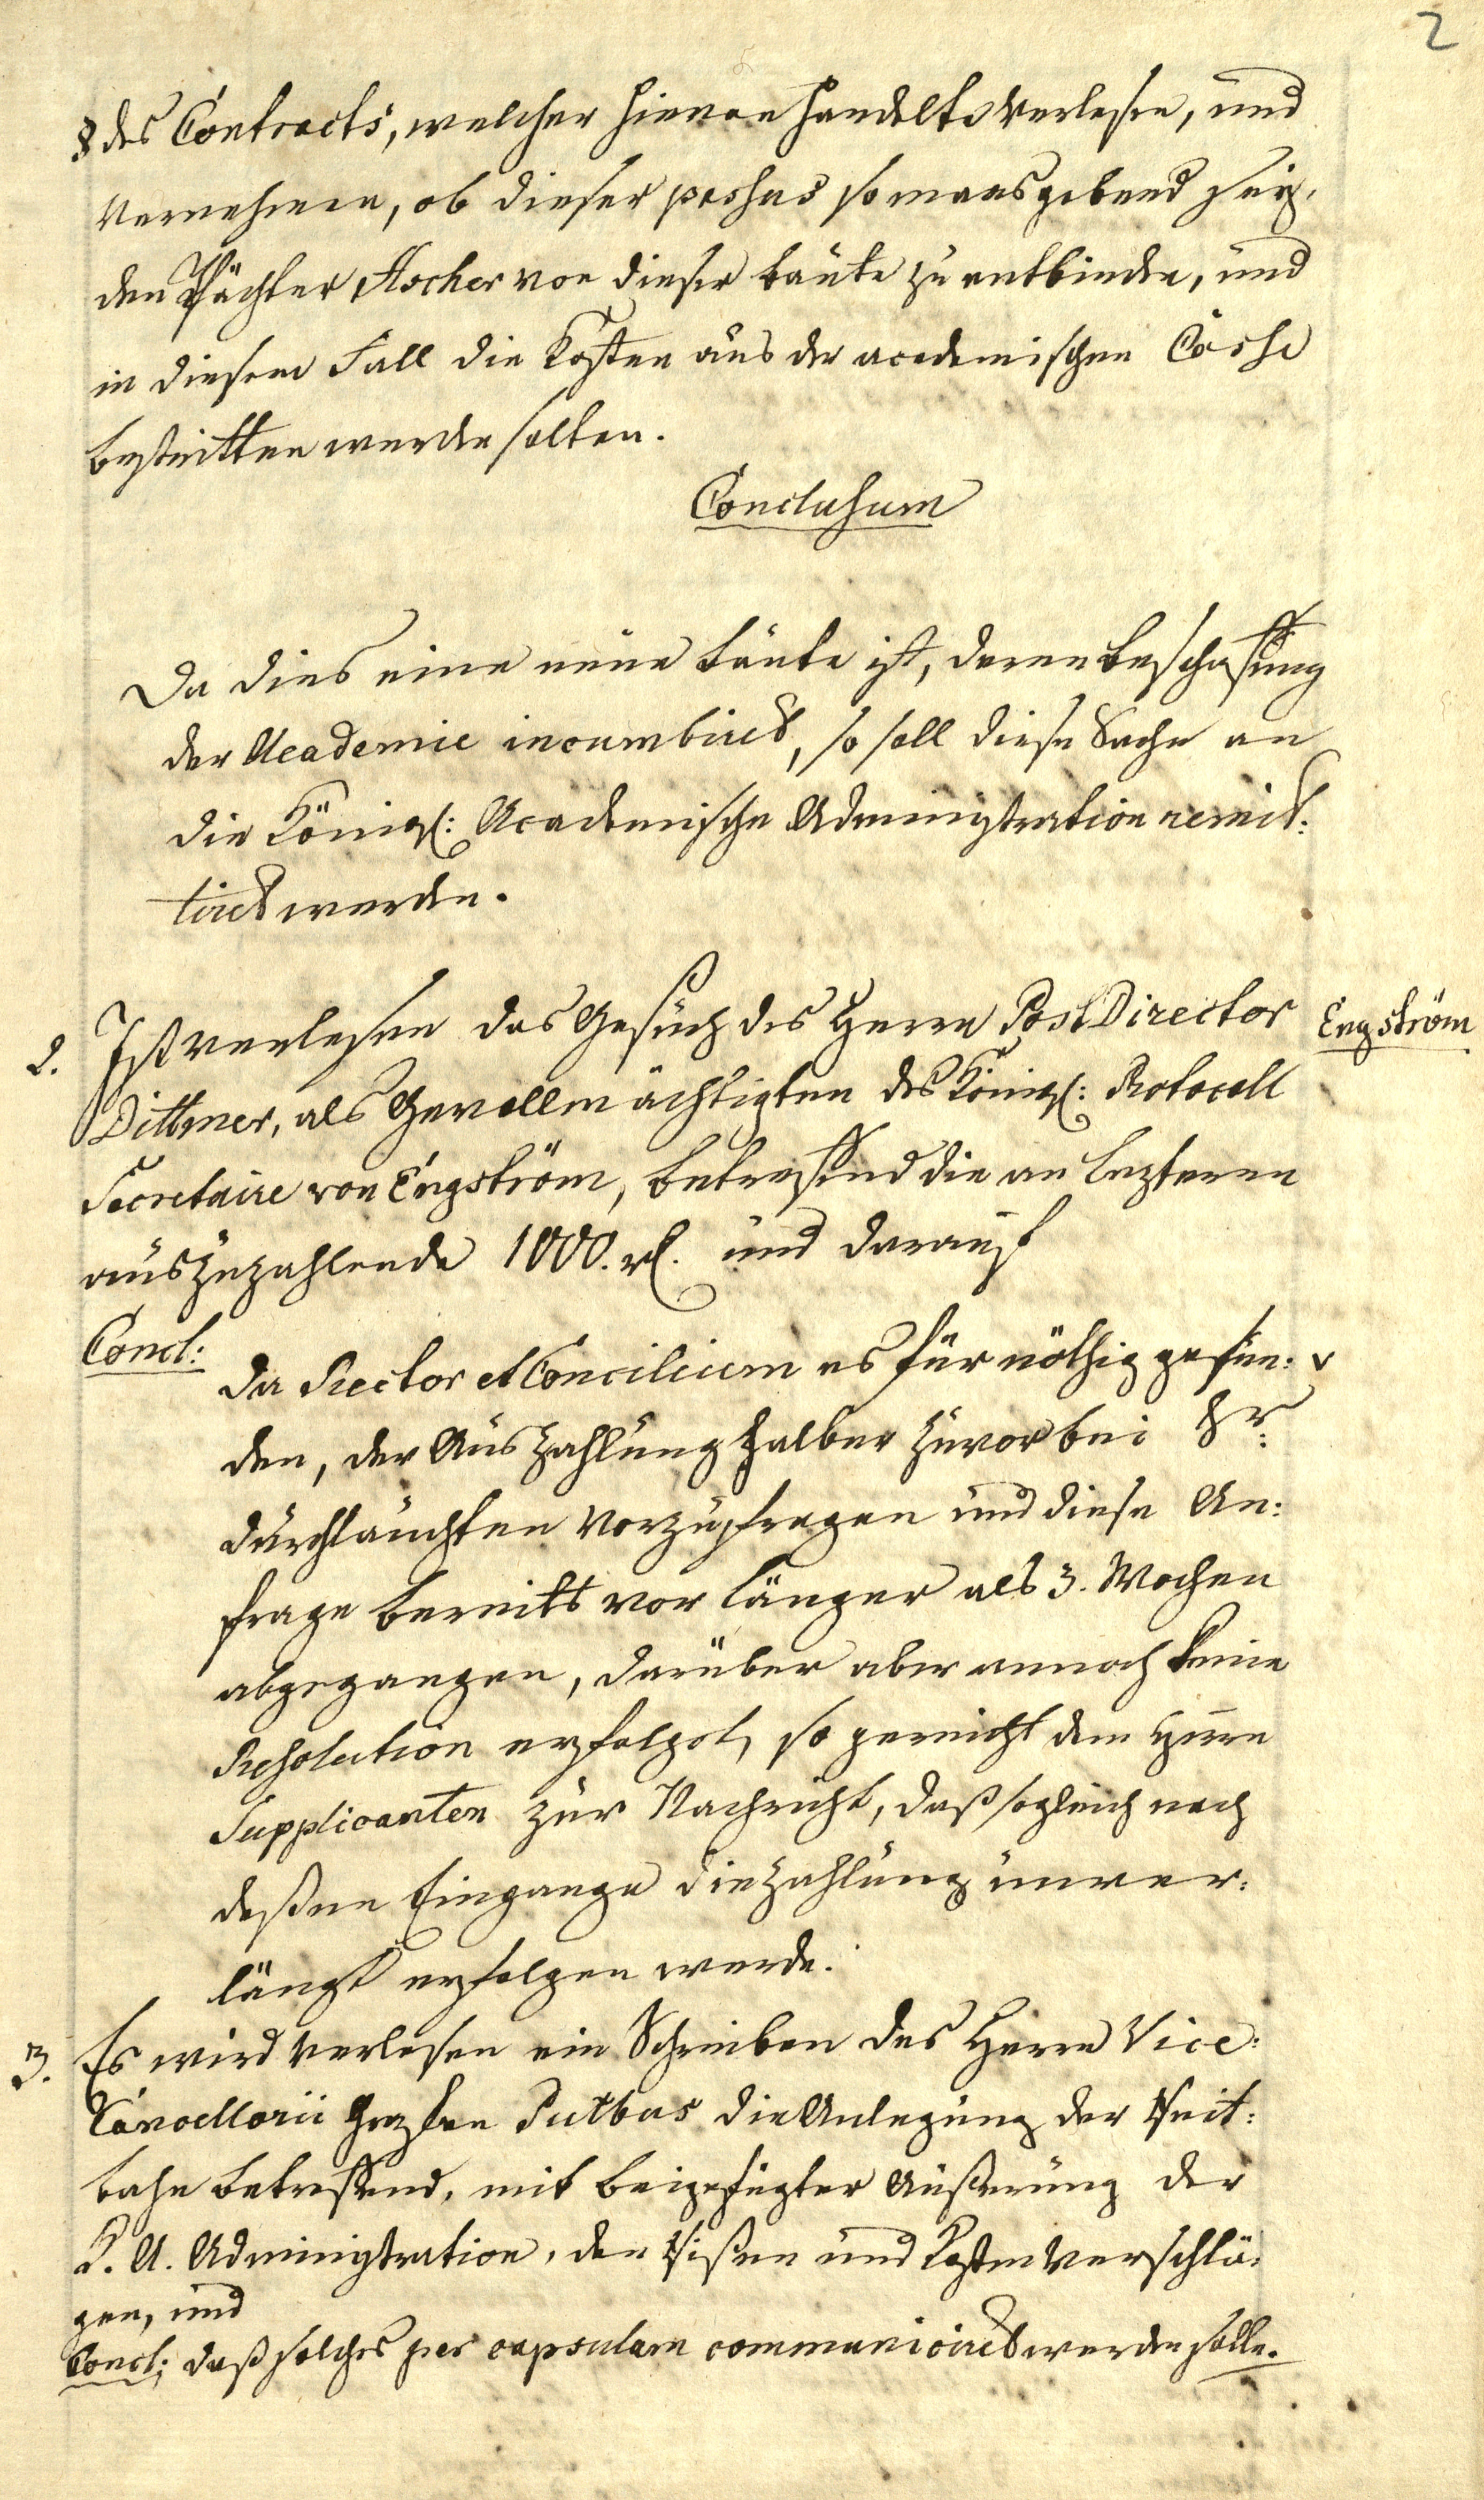§ des Contracts, welcher hievon handelte verlesen, und
vernehmen, ob dieser passus so maasgebend seÿ,
den Pächter Ascher von dieser Baute zu entbinden, und
in diesem Fall die Kosten aus der academischen Casse
bestritten werden solten.
Conclusum
Da dies eine neue Baute ist, deren Beschaffung
der Academie incumbiret, so soll diese Sache an
die Königl. Academische Administration remit¬
tiret werden.
2. Ist verlesen das Gesuch des Herrn PostDirector
Dittmer, als Gevollmächtigten des Königl. Protocoll
Secretaire von Engström, betreffend die an lezteren
auszuzahlende 1000. rt. und darauf
Concl.
Da Rector et Concilium es für nöthig gefun¬
den, der Auszahlung halber zuvor bei Sr
Durchlauchten vorzufragen und diese An¬
frage bereits vor länger als 3. Wochen
abgegangen, darüber aber annoch keine
Resolution erfolget, so gereicht dem Herrn
Supplicanten zur Nachricht, daß sogleich nach
deßen Eingang die Zahlung unver¬
längt erfolgen werde.
3. Es wird verlesen ein Schreiben des Herrn Vice-
Cancellarii Grafen Putbus die Anlegung der Reit¬
bahn betreffend, mit beigefügter Äußerung der
K.A. Administration, den Rißen und Kosten Verschlä¬
gen, und
Concl. daß solches per Capsulam communiciret werden solle.